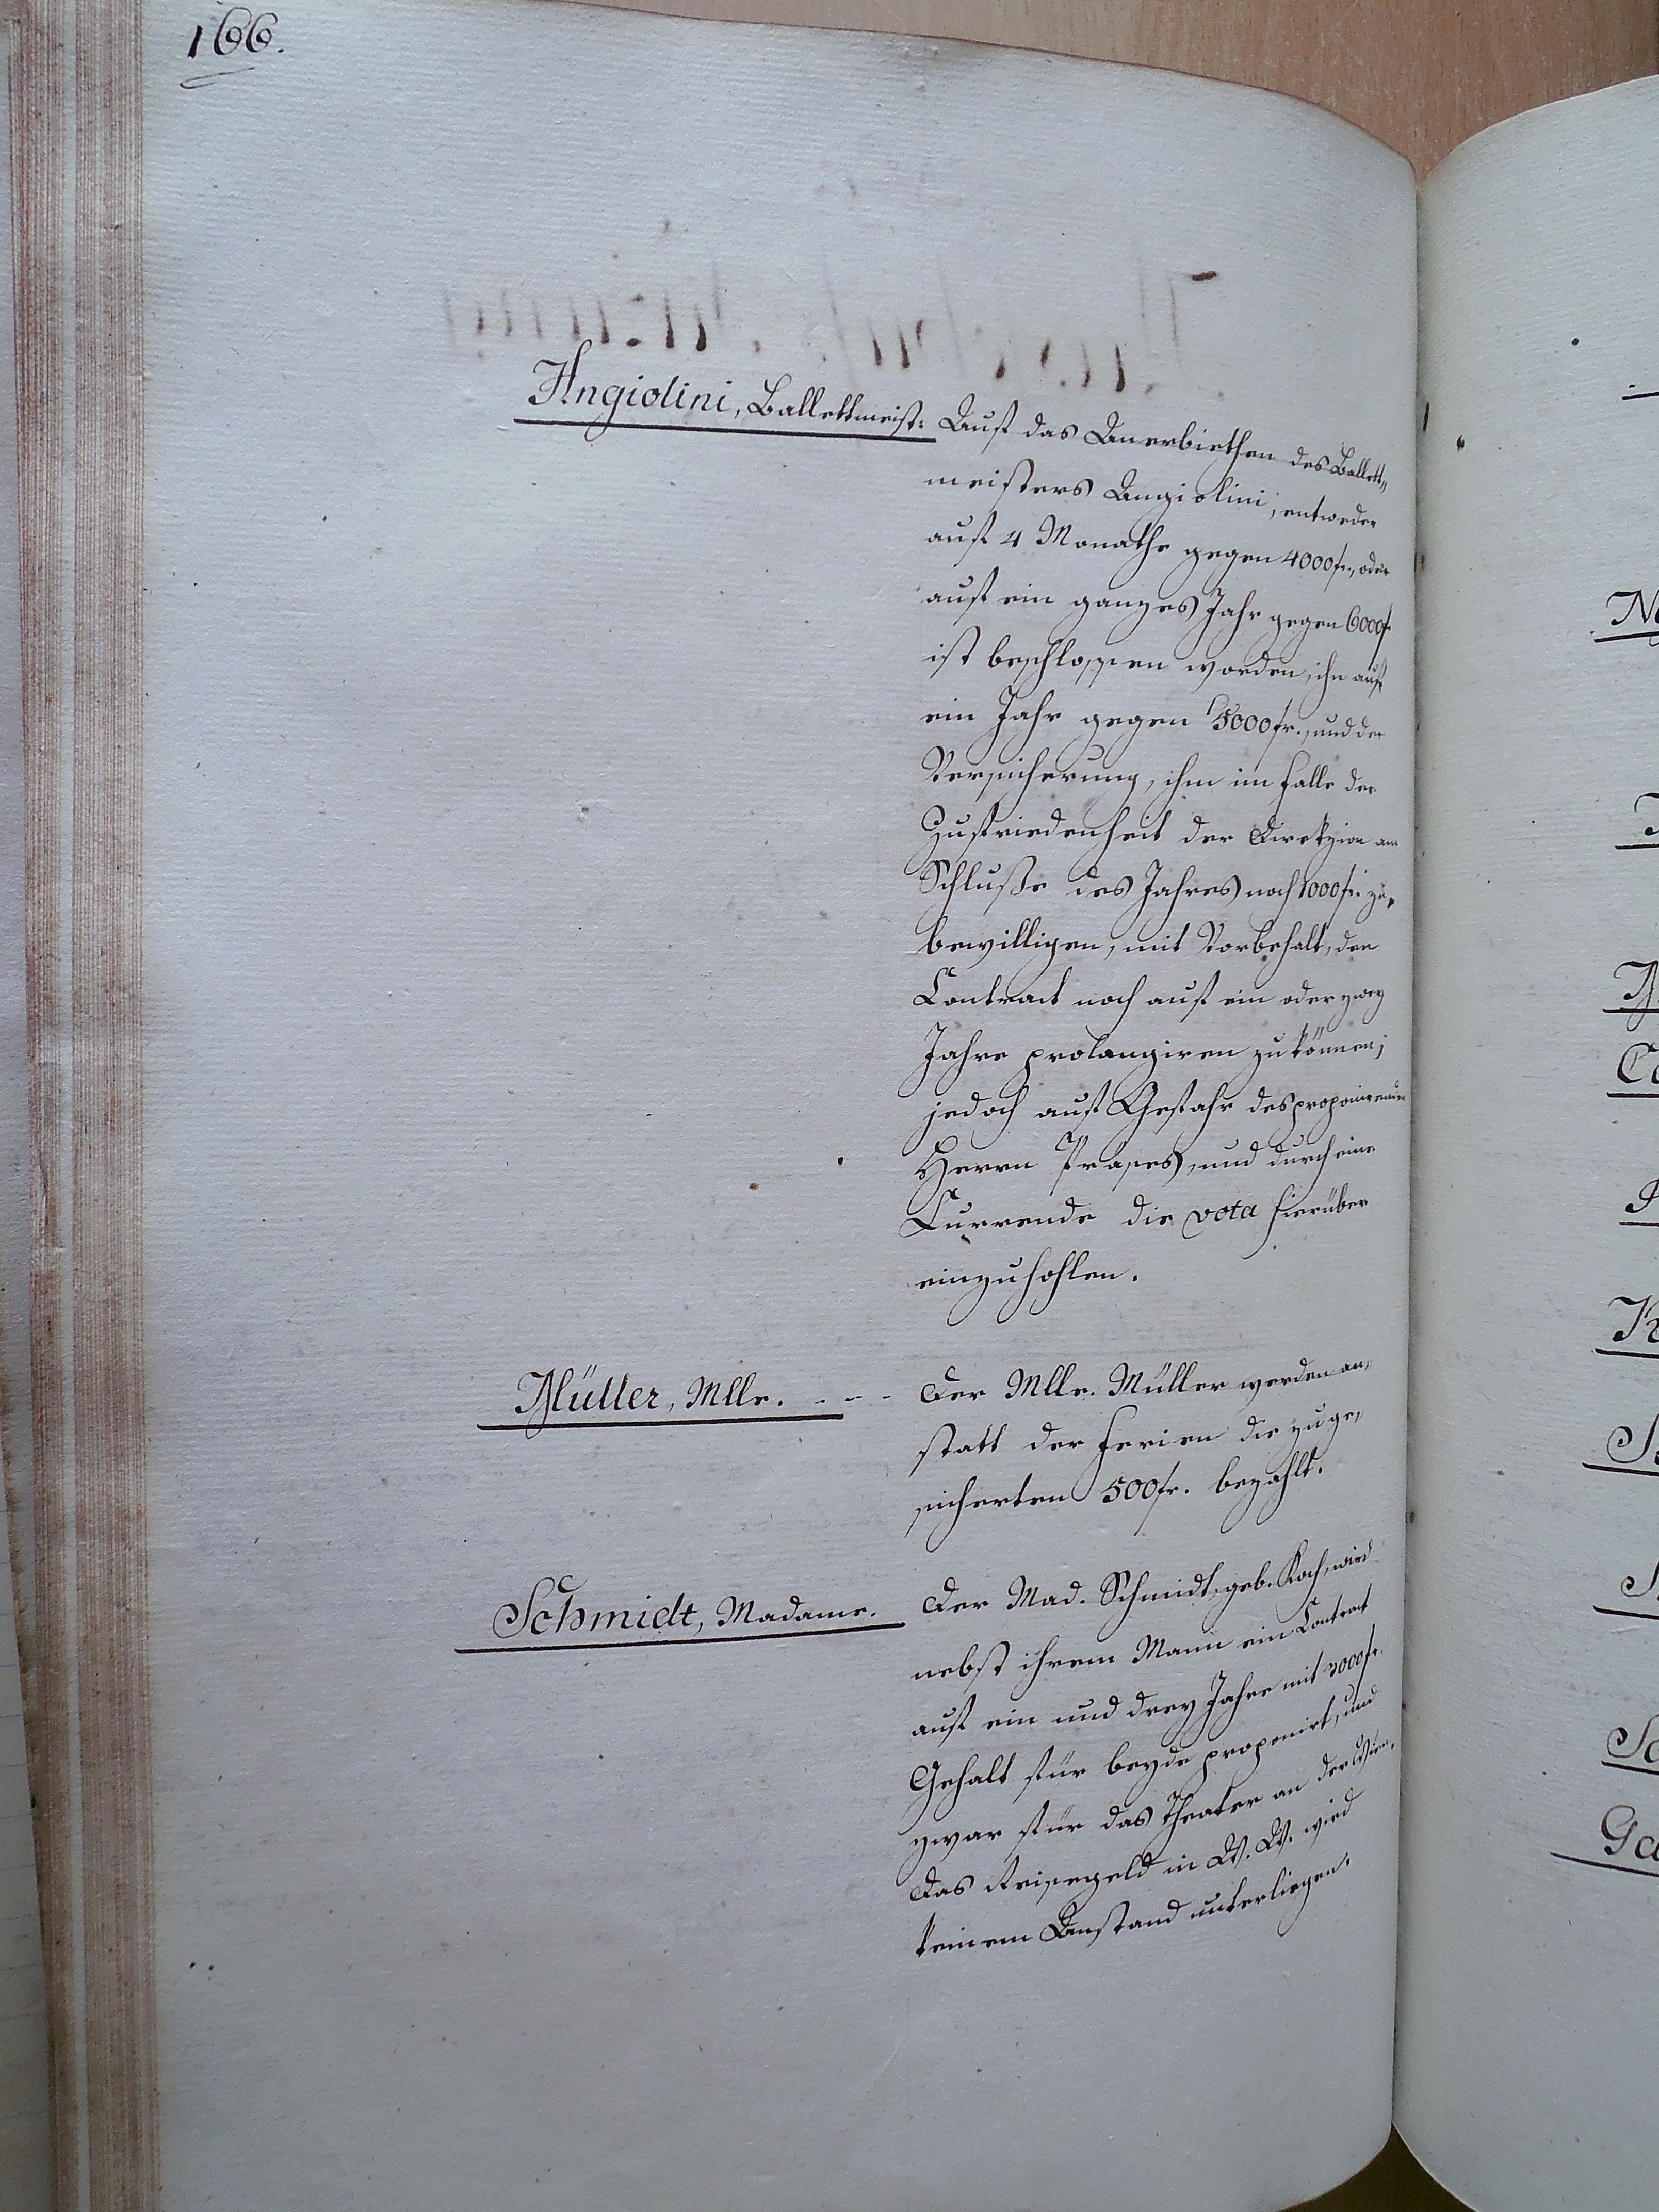166.
Angiolini, Ballettmeist: Auf das Anerbiethen des Ballett¬
meisters Angiolini, entweder
auf 4 Monathe gegen 4000fr., oder
auf ein ganzes Jahr gegen 6000fr
ist beschlossen worden, ihn auf
ein Jahr gegen 5000fr., und der
Versicherung, ihm in Falle der
Zufriedenheit der Direkzion am
Schluße des Jahres, noch 1000fr. zu¬
bewilligen, mit Vorbehalt, den
Contract noch auf ein oder zwey
Jahre prolangiren zukönnen;
jedoch auf Gefahr des proponirenden
Herrn Präses, und durch eine
Currende die vota hierüber
einzuhohlen.
Müller, Mlle. .. .. .. Der Mlle. Müller werden an
statt der Ferien die zu ge¬
sicherten. 500fr. bezahlt.
Schmidt, Madame. Der Mad: Schmidt, geb. Koch, wird
nebst ihrem Mann ein Contract
auf ein und drey Jahre mit 3000fr.
Gehalt für beyde proponirt, und
zwar für das Theater an der Wien,
das Reisegeld in W.W. wird
keinem Anstand unterliegen.